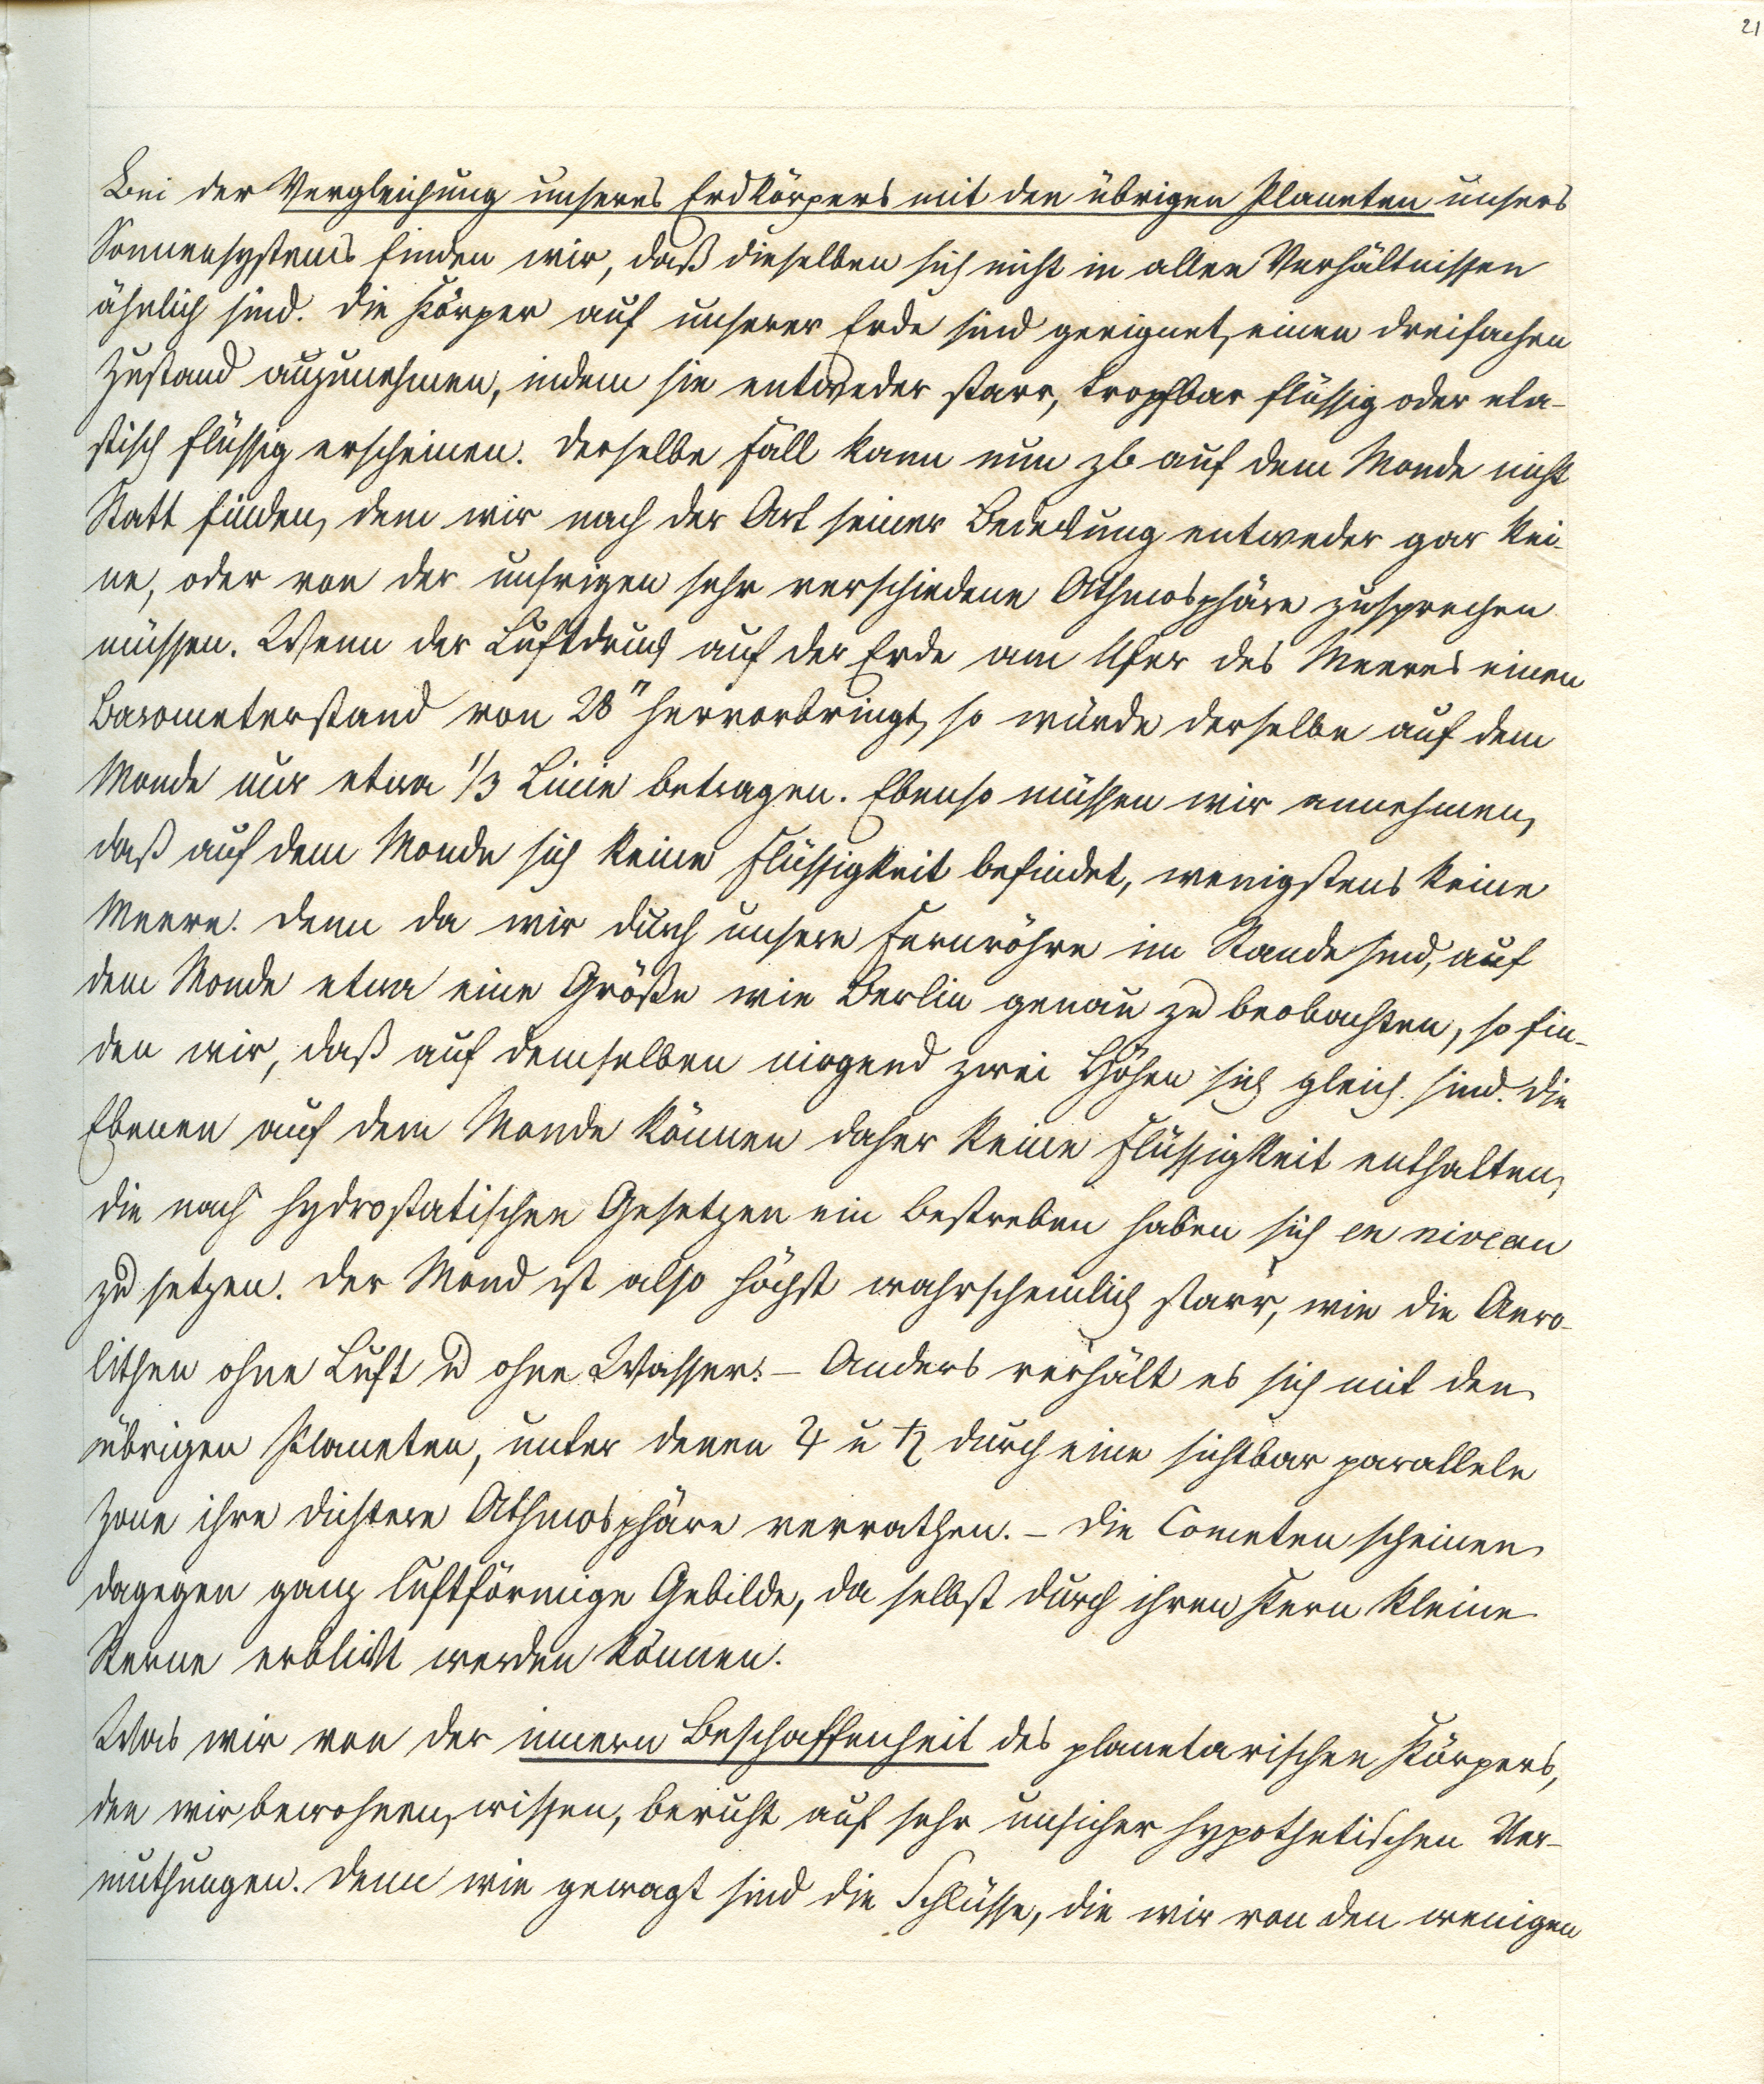Bei der Vergleichung unseres Erdkörpers mit den übrigen Planeten unsers
Sonnensystems finden wir, daß dieselben sich nicht in allen Verhältnissen
ähnlich sind. Die Körper auf unserer Erde sind geeignet, einen dreifachen
Zustand a￼nzunehmen, indem sie entweder starr, tropfbar flüssig oder ela-
stisch flüssig erscheinen. Derselbe Fall kann nun zb auf dem Monde nicht
statt finden, dem wir nach der Art seiner Bedeckung entweder gar kei-
ne, oder von der unsrigen sehr verschiedene Athmosphäre zusprechen
müssen. Wenn der Luftdruck auf der Erde am Ufer des Meeres einen
Barometerstand von 28" hervorbringt, so würde derselbe auf dem
Monde nur etwa ⅓ Linie betragen. Ebenso müssen wir annehmen,
daß auf dem Monde sich keine Flüssigkeit befindet, wenigstens keine
Meere. Denn da wir durch unsere Fernröhre im Stande sind, auf
dem Monde etwa eine Größe wie Berlin genau zu beobachten, so fin-
den wir, daß auf demselben nirgend zwei Höhen sich gleich sind. Die
Ebenen auf dem Monde können daher keine Flüssigkeit enthalten,
die nach hydrostatischen Gesetzen ein Bestreben haben sich en niveau
zu setzen. Der Mond ist also höchst wahrscheinlich starr, wie die Aero-
lithen ohne Luft u ohne Wasser. – Anders verhält es sich mit den
übrigen Planeten, unter denen ♃ u ♄ durch eine sichtbare parallele
Zone ihre dichtere Athmosphäre verrathen. – Die Cometen scheinen
dagegen ganz luftförmige Gebilde, da selbst durch ihren Kern kleine
Sterne erblickt werden können.
Was wir von der innern Beschaffenheit des planetarischen Körpers,
den wir bewohnen, wissen, beruht auf sehr unsicher hypothetischen Ver-
muthungen. Denn wie gewagt sind die Schlüsse, die wir von den wenigen